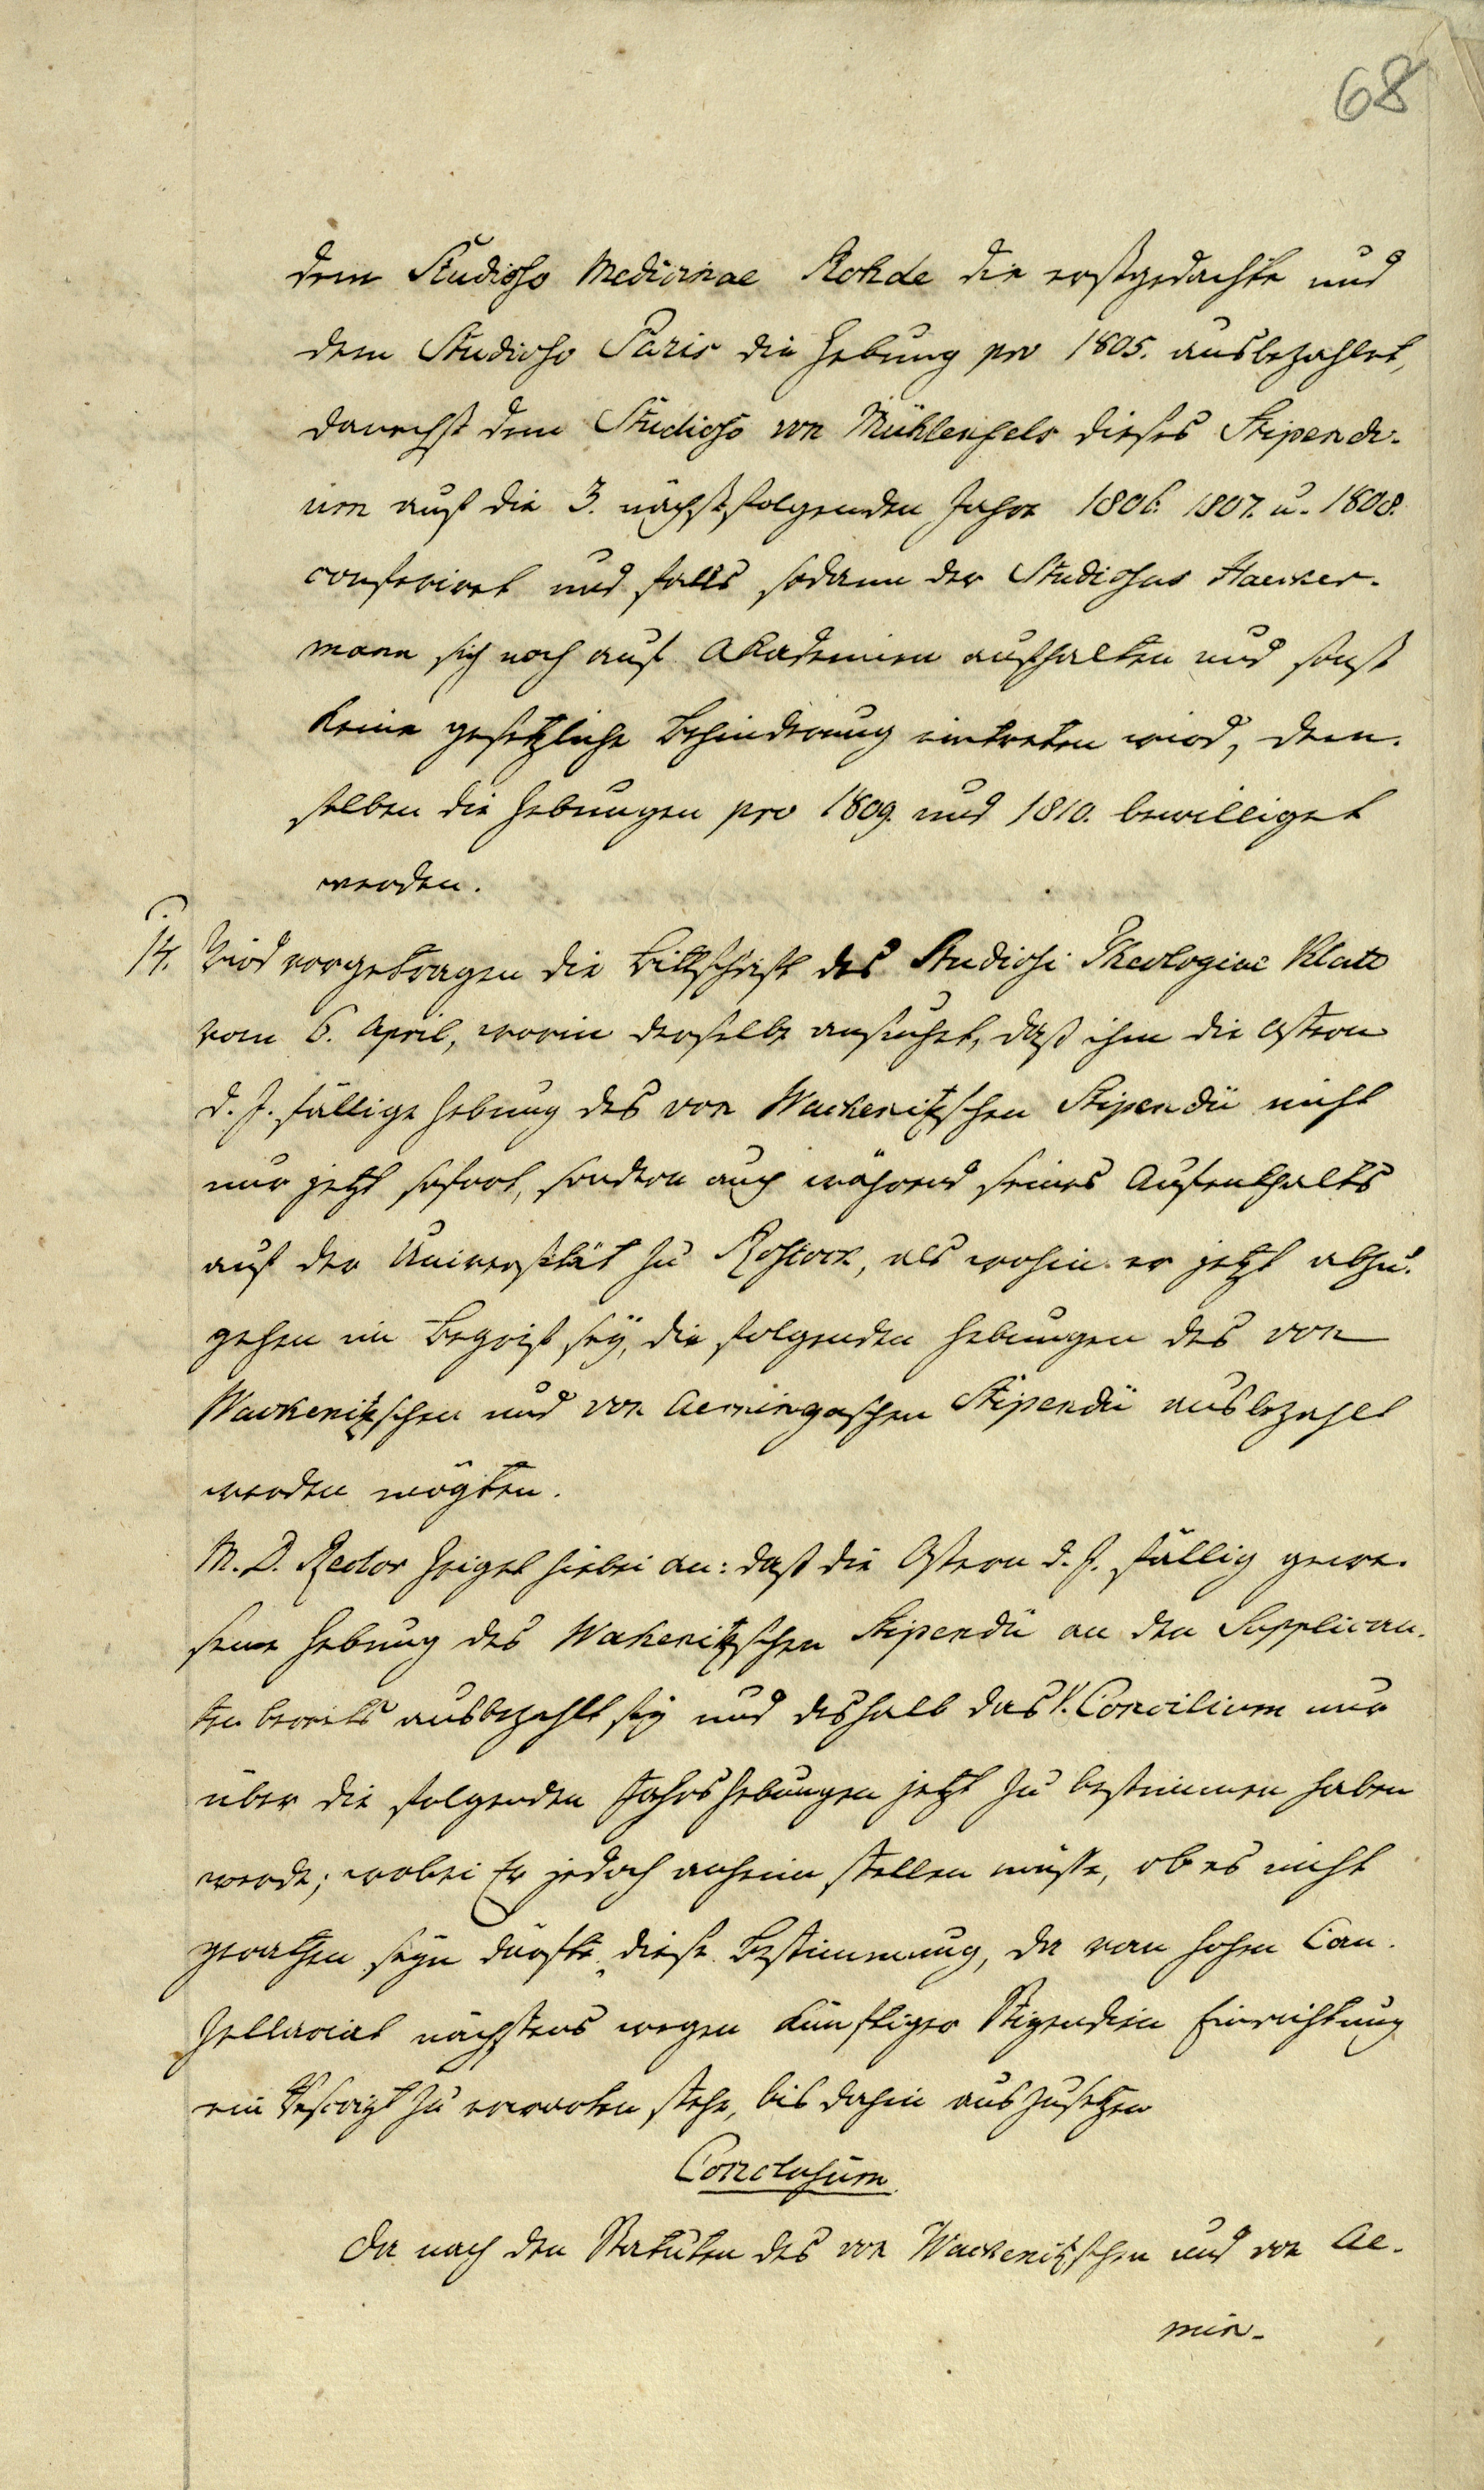dem Studioso Medicinae Rohde die erstgedachte und
dem Studioso Paris die Hebung er 1805. ausbezahlet,
danechst dem Studioso von Muhlenfels dieses Stipendi¬
um auf die 3. nächstfolgenden Jahre 1806. 1807. u. 1808.
conferiret und falls sodann der Studiosus Haecker¬
mann sich noch auf Akademien aufhalten und sonst
keine gesetzliche Behinderung eintreten wird, dem¬
selben die Hebungen pro 1809. und 1810. bewilliget
werden.
14. Wird vorgetragen die Bittschrift des Studiosi Theologiae Klatt
vom 6. April, worin derselbe ansuchet, daß ihm die Ostern
d. J. fällige Hebung des von Wackenitzschen Stipendii nicht
nur jetzt sofort, sondern auch während seines Aufenthalts
auf der Universität zu Rostock, als wohin er jetzt abzu¬
gehen im Begrif seÿ, die folgenden Hebungen des von
Wackenitzschen und von Aemingaschen Stipendii ausbezahlt
werden mögten.
M. D. Rector zeiget hiebei an: daß die Ostern d. J. fällig gewe¬
sene Hebung des Wakenitzschen Stipendii an den Supplican¬
ten bereits ausbezahlt seÿ und deshalb das V. Concilium nur
über die folgenden Jahrshebungen jetzt zu bestimmen haben
werde, wobei Er jedoch anheim stellen müsse, ob es nicht
gerathen seÿn dürfte, diese Bestimmung, da vom hohen Can¬
zellariat nächstens wegen künftiger Stipendien Einrichtung
ein Rescript zu erwarten stehe, bis dahin auszusetzen.
Conclusum
Da nach den Statuten des von Wackenitzschen und von Ae¬
min¬